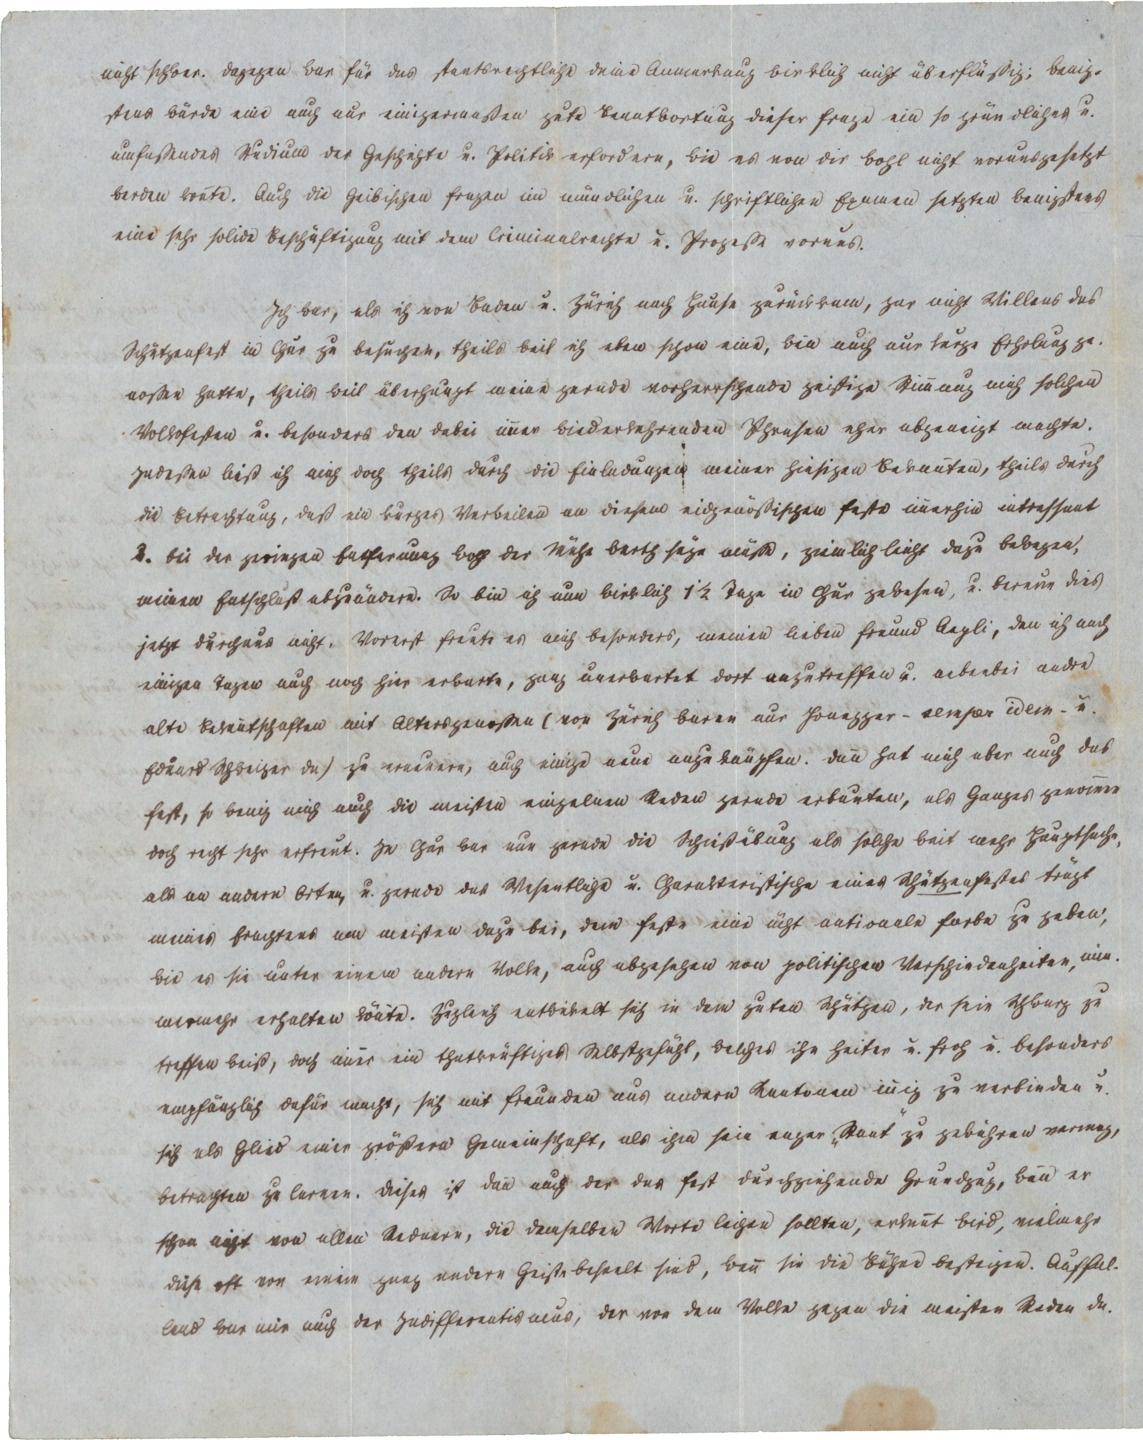nicht schwer. Dagegen war für das staatsrechtliche Deine Anmerkung wirklich nicht überflüssig; wenig-
stens würde eine auch nur einigermaßen gute Beantwortung dieser Frage ein so gründliches u.
umfassendes Studium der Geschichte u. Politik erfordern, wie es von Dir wohl nicht vorausgesetzt
werden konnte. Auch die Geibischen Fragen im mündlichen u. schriftlichen Examen setzten wenigstens
eine sehr solide Beschäftigung mit dem Criminalrechte u. Prozesse voraus.
Ich war, als ich von Baden u. Zürich nach Hause zurückkam, gar nicht Willens das
Schützenfest in Chur zu besuchen, theils weil ich eben schon eine, wenn auch nur kurze Erholung ge-
nossen hatte, theils weil überhaupt meine gerade vorherrschende geistige Stimmung mich solchen
Volksfesten u. besonders den dabei immer wiederkehrenden Phrasen eher abgeneigt machte.
Indessen ließ ich mich doch theils durch die Einladungen meiner hiesigen Bekannten, theils durch
die Betrachtung, daß ein kurzes Verweilen an diesem eidgenössischen Feste immerhin intressant
u. bei der geringen Entfernung wohl der Mühe werth seyn müsse, ziemlich leicht dazu bewegen,
meinen Entschluß abzuändern. So bin ich nun wirklich 1½ Tage in Chur gewesen, u. bereue dies
jetzt durchaus nicht. Vorerst freute es mich besonders, meinen lieben Freund Aepli, den ich nach
einigen Tagen auch noch hier erwarte, ganz unerwartet dort anzutreffen u. nebenbei andre
alte Bekanntschaften mit Altersgenossen (von Zürich waren nur Honegger – semper idem – u.
Eduard Schweizer da) zu erneuern, auch einige neue anzuknüpfen. Dann hat mich aber auch das
Fest, so wenig mich auch die meisten einzelnen Reden gerade erbauten, als Ganzes genommen
doch recht sehr erfreut. In Chur war nun gerade die Schießübung als solche weit mehr Hauptsache,
als an andern Orten, u. gerade das Wesentliche u. Charakteristische eines Schützenfestes trägt
meines Erachtens am meisten dazu bei, dem Feste eine ächt nationale Farbe zu geben,
wie es sie unter einem andern Volke, auch abgesehen von politischen Verschiedenheiten, nim-
mermehr erhalten könnte. Zugleich entwickelt sich in dem guten Schützen, der sein Schwarz zu
treffen weiß, doch immer ein thatkräftiges Selbstgefühl, welches ihn heiter u. froh u. besonders
empfänglich dafür macht, sich mit Freunden aus andern Kantonen innig zu verbinden u.
sich als Glied einer größern Gemeinschaft, als ihm sein enger «Staat» zu gewähren vermag,
betrachten zu lernen. Dieses ist dann auch der das Fest durchziehende Grundzug, wenn er
schon nicht von allen Rednern, die demselben Worte leihen sollten, erkannt wird, vielmehr
diese oft von einem ganz andern Geiste beseelt sind, wenn sie die Bühne besteigen. Auffal-
lend war mir auch der Indifferentismus, der von dem Volke gegen die meisten Reden da-